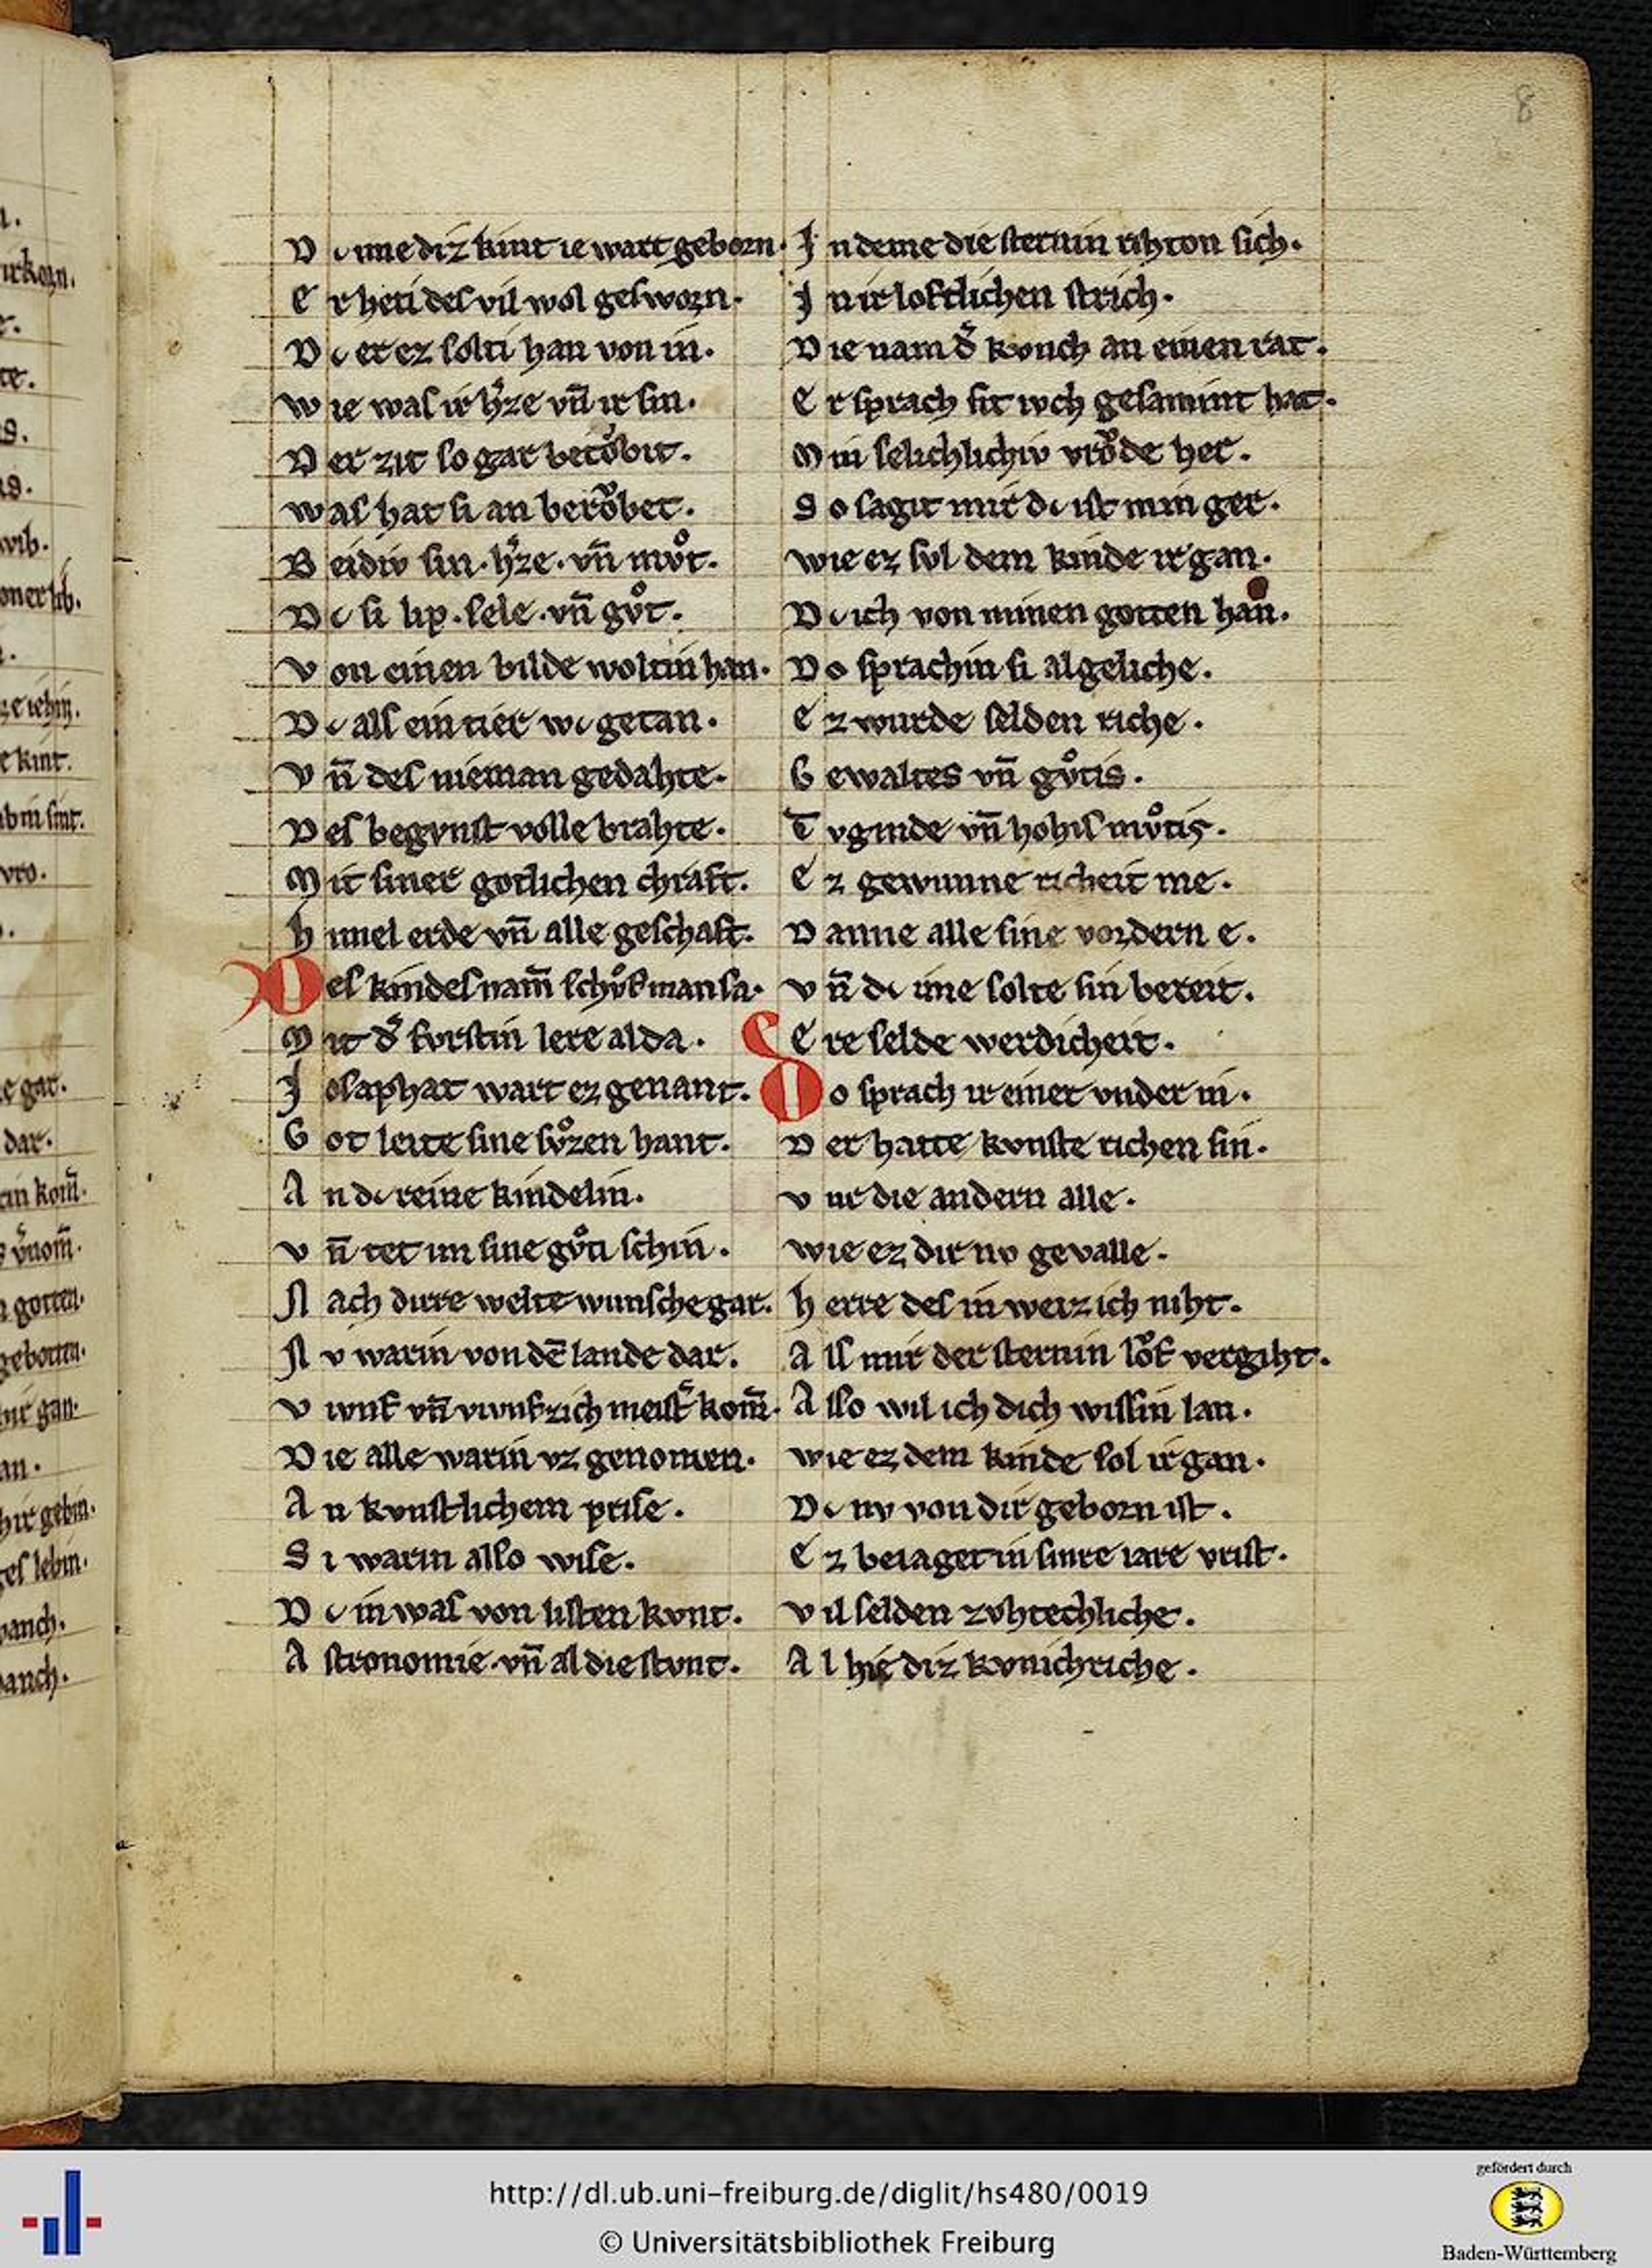D(az) ime diz kint ie wart geborn.
Er heti deſ vil wol geſworn.
D(az) er ez ſolti han von in.
Wie waſ ir h(er)ze vn(d) ir ſin.
Der zit ſo gar beto°vbit.
Waſ hat ſi an bero°vbet.
Beidiv ſin. h(er)ze. vn(d) mv°ot.
D(az) ſi lip. ſele. vn(d) gv°ot.
Von einen bilde woltin han.
D(az) alſ ein tier w(az) getan.
Vn(d) deſ nieman gedahte.
Deſ begvnſt volle brahte.
Mit ſiner gotlichen chraft.
Himel erde vn(d) alle geſchaft.
*Deſ kindeſ nam(n) ſchv°of man ſa.
Mit d(er) fvrſtin lere alda.
Joſaphat wart ez genant.
Got leite ſine ſv°ozen hant.
An d(az) reine kindelin.
Vn(d) tet im ſine gv°oti ſchin.
Nach dirre welte wunſche gar.
Nv warin von de(m) lande dar.
Vivnf vn(d) vivnfzich meiſt(er) kom(n).
Die alle warein vz genomen.
An kvnſtelichem priſe.
Si warin alſo wiſe.
D(az) in waſ von liſten kvnt.
Aſtronomie. vn(d) al die ſtvnt.
In deme die ſternin rihton ſich.
In ir loftlichen ſtrich.
Die nam d(er) kvnch an einen rat.
Er ſprach ſit ivch geſamint hat.
Min ſelichlichiv vro°vde her.
So ſagit mir d(az) iſt min ger.
Wie ez ſvl dem kinde irgan.
D(az) ich von minen gotten han.
Do ſprachin ſi algeliche.
Ez wurde ſelden riche.
Gewaltes vn(d) gv°otis.
Tvginde vn(d) hohiſ mv°otis.
Ez gewunne richeit me.
Danne alle ſine vordern e.
Vn(d) d(az) ime ſolte ſin bereit.
Ere ſelde werdicheit.
*Do ſprach ir einer vnder in.
Der hatte kvnſte richen ſin.
Vur die andern alle.
Wie ez dir nv gevalle.
Herre deſ in weiz ich niht.
Alſ mir der ſternin lo°vf vergiht.
Alſo wil ich dich wiſſin lan.
Wie ez dem kinde ſol irgan.
D(az) nv von dir geborn iſt.
Ez beiaget in ſinre iare vriſt.
Vil ſelden zvhtechliche.
Al hie diz kvnichriche.